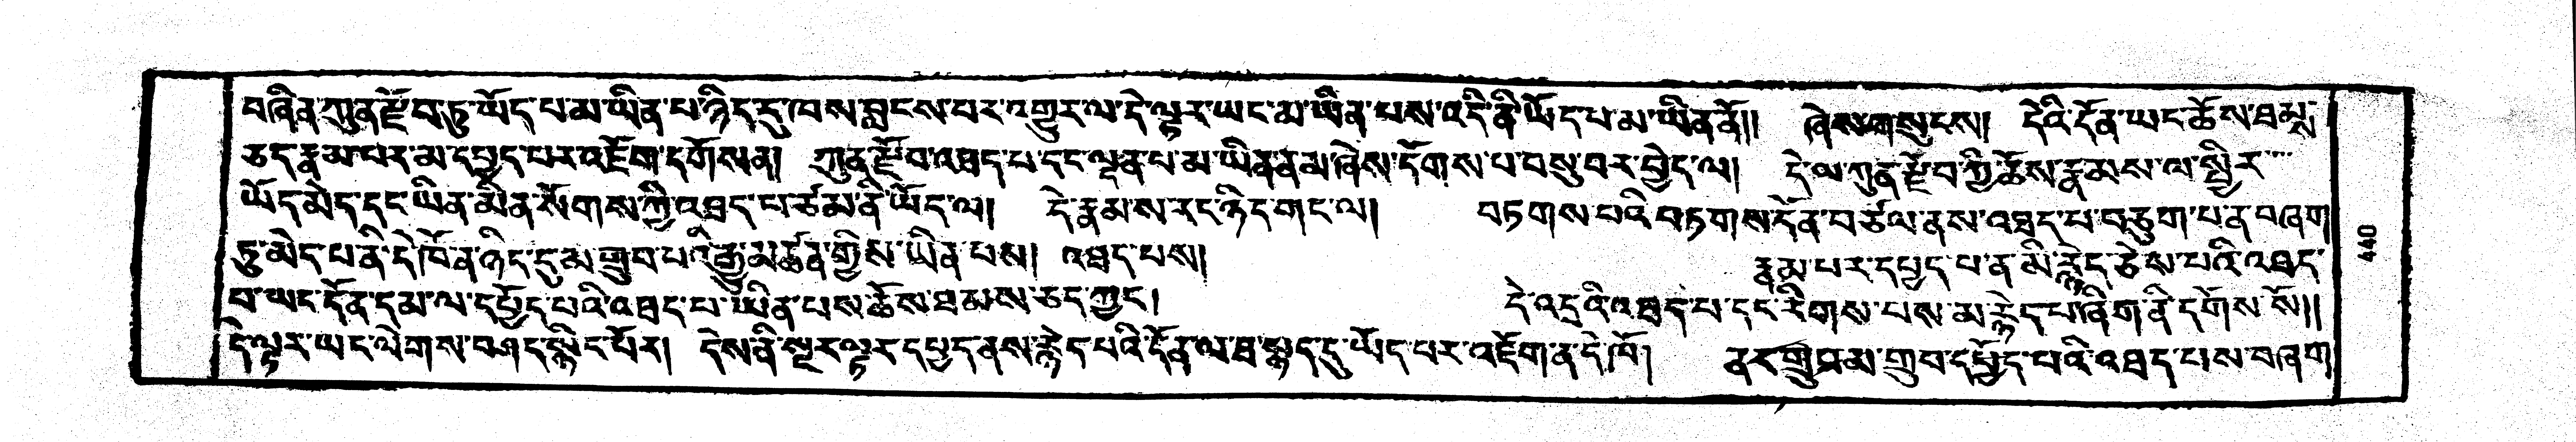བཞིན་ཀུན་རྫོབ་ཏུ་ཡོད་པ་མ་ཡིན་པ་ཉིད་དུ་ཁས་བླངས་པར་འགྱུར་ལ་དེ་ལྟར་ཡང་མ་ཡིན་པས་འདི་ནི་ཡོད་པ་མ་ཡིན་ནོ། །ཞེས་གསུངས། དེའི་དོན་ཡང་ཆོས་ཐམས་
ཅད་རྣམ་པར་མ་དཔྱད་པར་འཇོག་དགོས་ན། ཀུན་རྫོབ་འཐད་པ་དང་ལྡན་པ་མ་ཡིན་ནམ་ཞེས་དོགས་པ་བསུ་བར་བྱེད་ལ། དེ་ལ་ཀུན་རྫོབ་ཀྱི་ཆོས་རྣམས་ལ་སྤྱིར་
ཡོད་མེད་དང་ཡིན་མིན་སོགས་ཀྱི་འཐད་པ་ཙམ་ནི་ཡོད་ལ། དེ་རྣམས་ས་རང་ཉིད་གང་ལ། བཏགས་པའི་བཏགས་དོན་བཙལ་ནས་འཐད་པ་བཅུག་པ་ན་བཞག་
ཏུ་མེད་པ་ནི་དེ་ཁོ་ན་ཉིད་དུ་མ་གྲུབ་པའི་རྒྱུ་མཚན་གྱིས་ཡིན་པས། འཐད་པས། རྣམ་པར་དཔྱད་པ་ན་མི་རྙེད་ཅེས་པའི་འཐད་
པ་ཡང་དོན་དམ་ལ་དཔྱོད་པའི་འཐད་པ་ཡིན་པས་ཆོས་ཐམས་ཅད་ཀྱང་། དེ་འདྲའི་འཐད་པ་དང་རིགས་པས་མ་རྙེད་པ་ཞིག་ནི་དགོས་སོ། །
དེ་ལྟར་ཡང་ལེགས་བཤད་སྙིང་པོར། དེས་ནི་སྔར་ལྟར་དཔྱད་ནས་རྙེད་པའི་དོན་ལ་ཐ་སྙད་དུ་ཡོད་པར་འཇོག་ན་དེ་ཁོ། ནར་གྲུབ་མ་གྲུབ་དཔྱོད་པའི་འཐད་པས་བཞག་